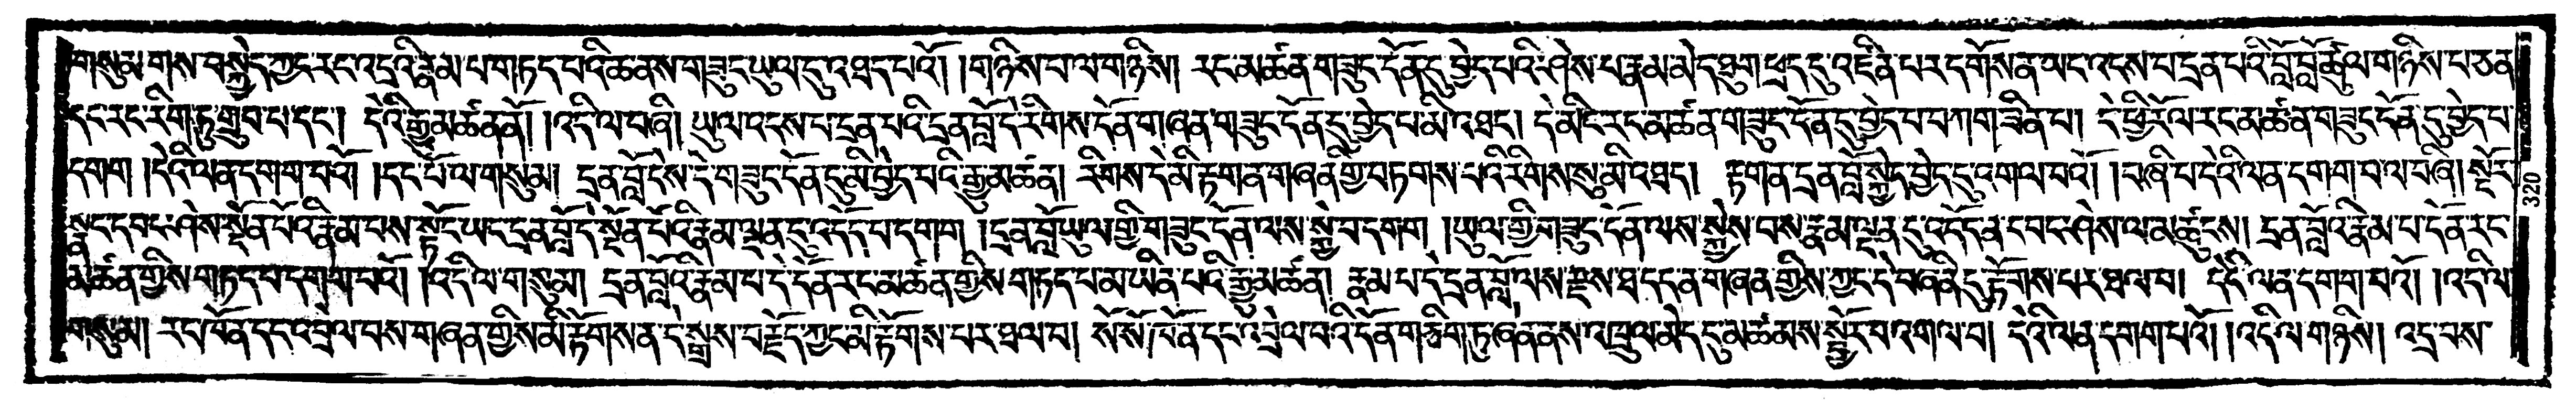གསུམ་གས་བསྐྱེད་ཀྱང་རང་འདྲའི་རྣམ་པ་གཏད་པའི་ཆ་ནས་གཟུང་ཡུལ་དུ་འཐད་པའོ། །གཉིས་པ་ལ་གཉིས། རང་མཚན་གཟུང་དོན་དུ་བྱེད་པའི་ཤེས་པ་རྣམ་མེད་ཐུག་ཕྲད་དུ་འཛིན་པར་དགོས་ན་ཡང་འདས་པ་དྲན་པའི་བློ་བློ་ཚུལ་གཉིས་པ་ཅན་
དང་རང་རིག་ཏུ་གྲུབ་པ་དང་། དེའི་རྒྱུ་མཚན་ནོ། །འདི་ལ་བཞི། ཡུལ་འདས་པ་དྲན་པའི་དྲན་བློ་དེ་རིགས་དོན་གཞན་གཟུང་དོན་དུ་བྱེད་པ་མི་འཐད། དེ་མིང་རང་མཚན་གཟུང་དོན་དུ་བྱེད་པ་བཀག་ཟིན་པ། དེ་ཕྱི་རོལ་རང་མཚན་གཟུང་དོན་དུ་བྱེད་པ་
དགག །དེའི་ལན་དགག་པའོ། །དང་པོ་ལ་གསུམ། དྲན་བློ་དེས་དེ་གཟུང་དོན་དུ་མི་བྱེད་པའི་རྒྱུ་མཚན། རིགས་དེ་མི་རྟག་ན་གཞན་གྱི་བཏགས་པའི་རིགས་སུ་མི་འཐད། རྟག་ན་དྲན་བློ་སྐྱེད་བྱེད་དུ་འགལ་བའོ། །བཞི་པ་དེའི་ལན་དགག་བ་ལ་བཞི། སྔོར་
སྣང་དབང་ཤེས་སྔོན་པོའི་རྣམ་པས་སྟོང་ཡང་དྲན་བློ་དེ་སྔོན་པོའི་རྣམ་ལྡན་དུ་འདོད་པ་དགག །དྲན་བློ་ཡུལ་གྱི་གཟུང་དོན་ལས་སྐྱེ་བ་དགག །ཡུལ་གྱི་གཟུང་དོན་ལས་སྐྱེས་པས་རྣམ་ལྡན་དུ་འདོད་ན་དབང་ཤེས་ལ་མཚུངས། དྲན་བློའི་རྣམ་པ་དོན་རང་
མཚན་གྱིས་གཏད་པ་དགག་པའོ། །འདི་ལ་གསུམ། དྲན་བློའི་རྣམ་པ་དེ་དོན་རང་མཚན་གྱིས་གཏད་པ་མ་ཡིན་པའི་རྒྱུ་མཚན། རྣམ་པ་དེ་དྲན་བློ་ལས་རྫས་ཐ་དད་ན་གཞན་གྱིས་ཀྱང་དེ་བཞིན་དུ་རྟོགས་པར་ཐལ་བ། དེའི་ལན་དགག་པའོ། །འདི་ལ་
གསུམ། རང་ཁོ་ན་དང་འབྲེལ་བས་གཞན་གྱིས་མི་རྟོགས་ན་དེ་སྒྲས་བརྗོད་ཀྱང་མི་རྟོགས་པར་ཐལ་བ། སོ་སོ་ཁོ་ན་དང་འབྲེལ་བའི་དོན་གཅིག་ཏུ་ཞེན་ནས་འཁྲུལ་མེད་དུ་མཚམས་སྦྱོར་བ་འགལ་བ། དེའི་ལན་དགག་པའོ། །འདི་ལ་གཉིས། འདྲ་བས་